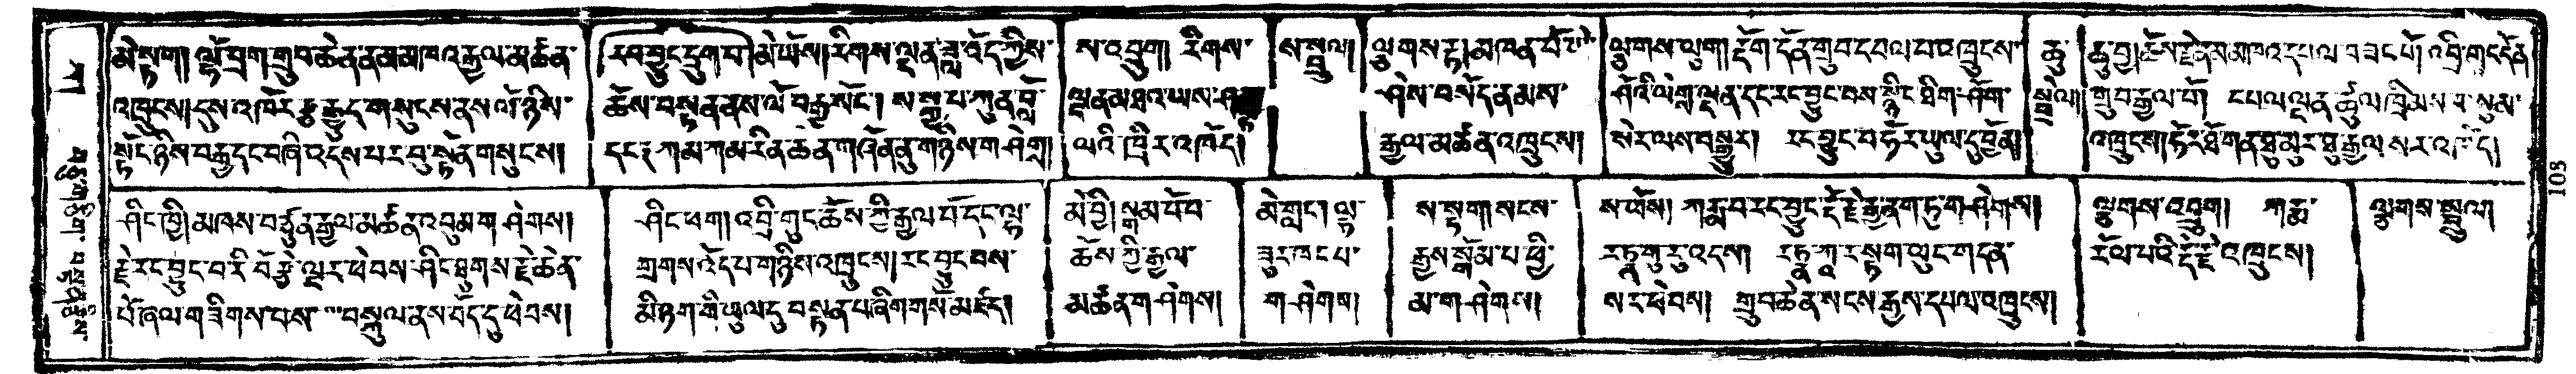༄༅། །མེ་སྟག། ལྷོ་བྲག་གྲུབ་ཆེན་ནམ་མཁའ་རྒྱལ་མཚན། ། རབ་བྱུང་དྲུག་པ།  མེ་ཡོས། རིགས་ལྡན་ཟླ་འོད་ཀྱིས་ས་འབྲུག། རིགས་ས་སྤྲུལ། ལྕགས་རྟ། མཁན་པོ་ཡེ་ལྕགས་ལུག། རྡོག་དོན་གྲུབ་དཔལ་བ་འཁྲུངས་ཆུ། ཆུ་བྱ། ཆོས་རྗེ་ནམ་མཁའ་དཔལ་བཟང་པོ། འབྲི་གང་དོན་
འཁྲུངས། དུས་འཁོར་རྩ་རྒྱུད་གསུངས་ནས་ལོ་ཉིས་ཆོས་བསྟན་ནས་ལོ་བརྒྱ་ལོང་། ས་སྐྱ་པ་ཀུན་བློ་ལྡན་མཐའ་ཡས་ཤ་ཀྱཱ?་ཤེས་བསོད་ནམས་ཤོའི་ལེགས་ལྡན་དང་རང་བྱུང་བས་སྙིང་ཐིག་ཤོག་སྦྲེལ། གྲུབ་རྒྱལ་པོ། དཔལ་ལྡན་ཚུལ་ཁྲིམས་པ་སུམ་
སྟོང་ཉིས་བརྒྱ་དང་བཞི་འདས་པར་བུ་སྟོན་གསུངས། དང་། ཀམ་ཀམ་རིན་ཆེན་གཞོན་ནུ་གཉིས་གཤེགས། ལའི་ཁྲིར་འཁོད། རྒྱལ་མཚན་འཁྲུངས། སེར་ལས་བསྒྱུར། རང་བྱུང་བ་ཧོར་ཡུལ་དུ་བྱོན། །འཁྲུངས། ཏོར་ཐོ་གན་ཐུ་མུར་ཐུ་རྒྱལ་སར་འཁོད།
ཤིང་ཁྱི། མཁས་བཙུན་རྒྱལ་མཚན་འབུམ་གཤེགས། ཤིང་ཕག། འབྲི་གུང་ཆོས་ཀྱི་རྒྱལ་པོ་དང་ལྷ་མོ་བྱི། སྒམ་པོ་བ་མེ་གླང་། ལྟ་ས་སྟག། སངས་ས་ཡོས། ཀརྨ་བ་རང་བྱུང་རྡོ་རྗེ་རྒྱ་ནག་ཏུ་གཤེགས། ལྕགས་འབྲུག། ཀརྨ་ལྕགས་སྦྲུལ།
རྗེ་རང་བྱུང་བ་རི་བོ་རྩེ་ལྔར་ཕེབས་ཤིང་ཐུགས་རྗེ་ཆེན་གྲགས་འོད་པ་གཉིས་འཁྲུངས། རང་བྱུང་བས། ཆོས་ཀྱི་རྒྱལ་ཟུར་ཁང་པ་རྒྱས་སྒོམ་པ་ཕྱི་རཏ་གུ་རུ་འདས། རཏྣ་ཀཱ་ར་སྟག་ལུང་གདན་རོལ་པའི་རྡོ་རྗེ་འཁྲུངས།
པོ་ཞལ་གཟིགས་པས་བསྐུལ་ནས་བོད་དུ་ཕེབས། མི་ཉག་གི་ཡུལ་དུ་བསྟན་པ་ཞིག་གསོ་མཛད། མཚན་གཤེགས། གཤེགས། མ་གཤེགས། སར་ཕེབས། གྲུབ་ཆེན་སངས་རྒྱས་དཔལ་འཁྲུངས།